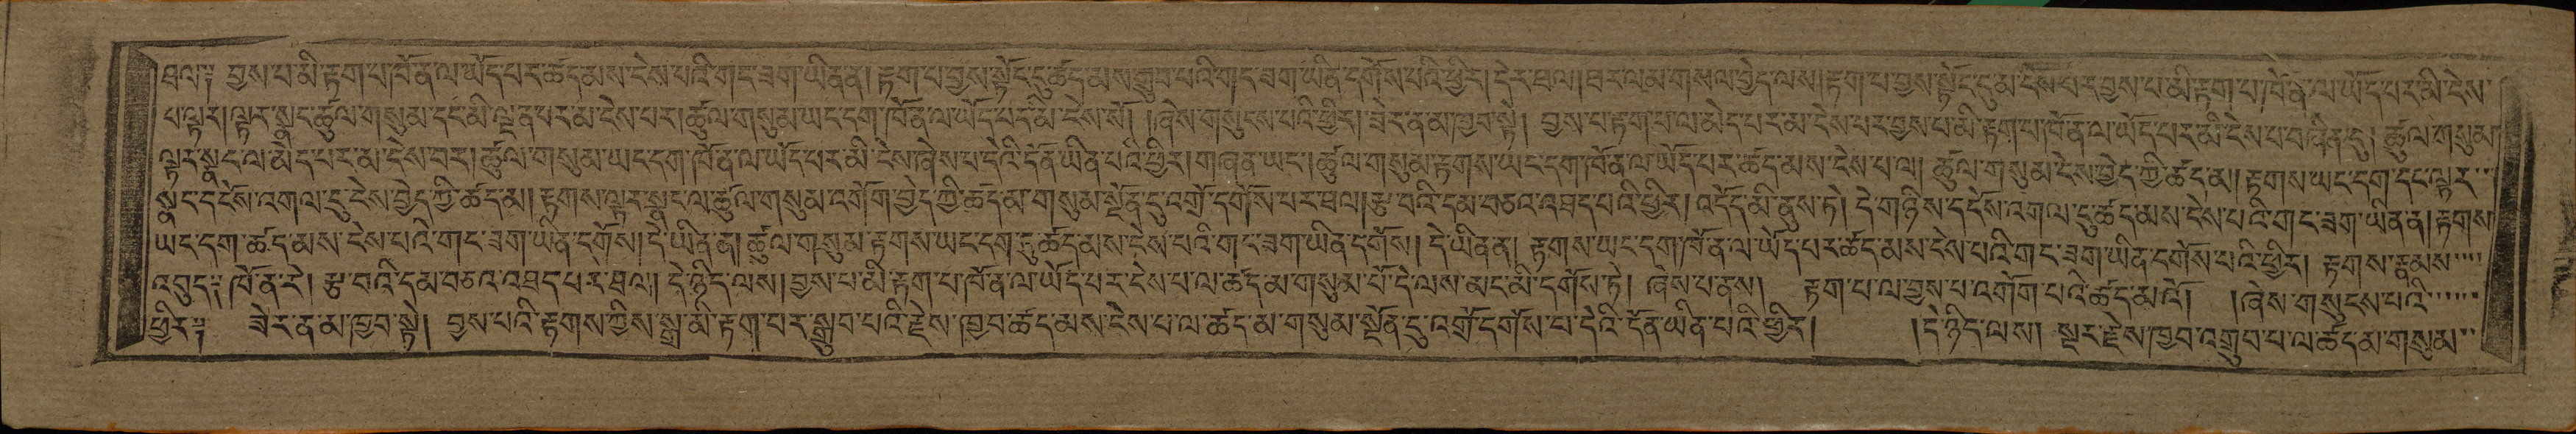ཐལ། བྱས་པ་མི་རྟག་པ་ཁོ་ན་ལ་ཡོད་པར་ཚད་མས་ངེས་པའི་གང་ཟག་ཡིན་ན། རྟག་པ་བྱས་སྟོང་དུ་ཚད་མས་གྲུབ་པའི་གང་ཟག་ཡིན་དགོས་པའི་ཕྱིར། དེར་ཐལ། ཐར་ལམ་གསལ་བྱེད་ལས། རྟག་པ་བྱས་སྟོང་དུ་མ་ངེས་པར་བྱས་པ་མི་རྟག་པ་ཁོ་ན་ལ་ཡོད་པར་མི་ངེས་
པ་ལྟར། ལྟར་སྣང་ཚུལ་གསུམ་དང་མི་ལྡན་པར་མ་ངེས་པར། ཚུལ་གསུམ་ཡང་དག་ཁོ་ན་ལ་ཡོད་པར་མི་ངེས་སོ། །ཞེས་གསུངས་པའི་ཕྱིར། ཟེར་ན་མ་ཁྱབ་སྟེ། བྱས་པ་རྟག་པ་ལ་མེད་པར་མ་ངེས་པར་བྱས་པ་མི་རྟག་པ་ཁོ་ན་ལ་ཡོད་པར་མི་ངེས་པ་བཞིན་དུ། ཚུལ་གསུམ་
ལྟར་སྣང་ལ་མེད་པར་མ་ངེས་པར། ཚུལ་གསུམ་ཡང་དག་ཁོ་ན་ལ་ཡོད་པར་མི་ངེས་ཞེས་པ་དེའི་དོན་ཡིན་པའི་ཕྱིར། གཞན་ཡང་། ཚུལ་གསུམ་རྟགས་ཡང་དག་ཁོ་ན་ལ་ཡོད་པར་ཚད་མས་ངེས་པ་ལ། ཚུལ་གསུམ་ངེས་བྱེད་ཀྱི་ཚད་མ། རྟགས་ཡང་དག་དང་ལྟར་
སྣང་དངོས་འགལ་དུ་ངེས་བྱེད་ཀྱི་ཚད་མ། རྟགས་ལྟར་སྣང་ལ་ཚུལ་གསུམ་འགོག་བྱེད་ཀྱི་ཚད་མ་གསུམ་སྔོན་དུ་འགྲོ་དགོས་པར་ཐལ། རྩ་བའི་དམ་བཅའ་འཐད་པའི་ཕྱིར། འདོད་མི་ནུས་ཏེ། དེ་གཉིས་དངོས་འགལ་དུ་ཚད་མས་ངེས་པའི་གང་ཟག་ཡིན་ན། རྟགས་
ཡང་དག་ཚད་མས་ངེས་པའི་གང་ཟག་ཡིན་དགོས། དེ་ཡིན་ན། ཚུལ་གསུམ་རྟགས་ཡང་དག་ཏུ་ཚད་མས་ངེས་པའི་གང་ཟག་ཡིན་དགོས། དེ་ཡིན་ན། རྟགས་ཡང་དག་ཁོ་ན་ལ་ཡོད་པར་ཚད་མས་ངེས་པའི་གང་ཟག་ཡིན་དགོས་པའི་ཕྱིར། རྟགས་རྣམས་
འབུད། ཁོ་ན་རེ། རྩ་བའི་དམ་བཅའ་འཐད་པར་ཐལ། དེ་ཉིད་ལས། བྱས་པ་མི་རྟག་པ་ཁོ་ན་ལ་ཡོད་པར་ངེས་པ་ལ་ཚད་མ་གསུམ་པོ་དེ་ལས་མང་མི་དགོས་ཏེ། ཞེས་པ་ནས། རྟག་པ་ལ་བྱས་པ་འགོག་པའི་ཚད་མའོ། །ཞེས་གསུངས་པའི་
ཕྱིར། ཟེར་ན་མ་ཁྱབ་སྟེ། བྱས་པའི་རྟགས་ཀྱིས་སྒྲ་མི་རྟག་པར་སྒྲུབ་པའི་རྗེས་ཁྱབ་ཚད་མས་ངེས་པ་ལ་ཚད་མ་གསུམ་སྔོན་དུ་འགྲོ་དགོས་པ་དེའི་དོན་ཡིན་པའི་ཕྱིར། །དེ་ཉིད་ལས། སྔར་རྗེས་ཁྱབ་འགྲུབ་པ་ལ་ཚད་མ་གསུམ་